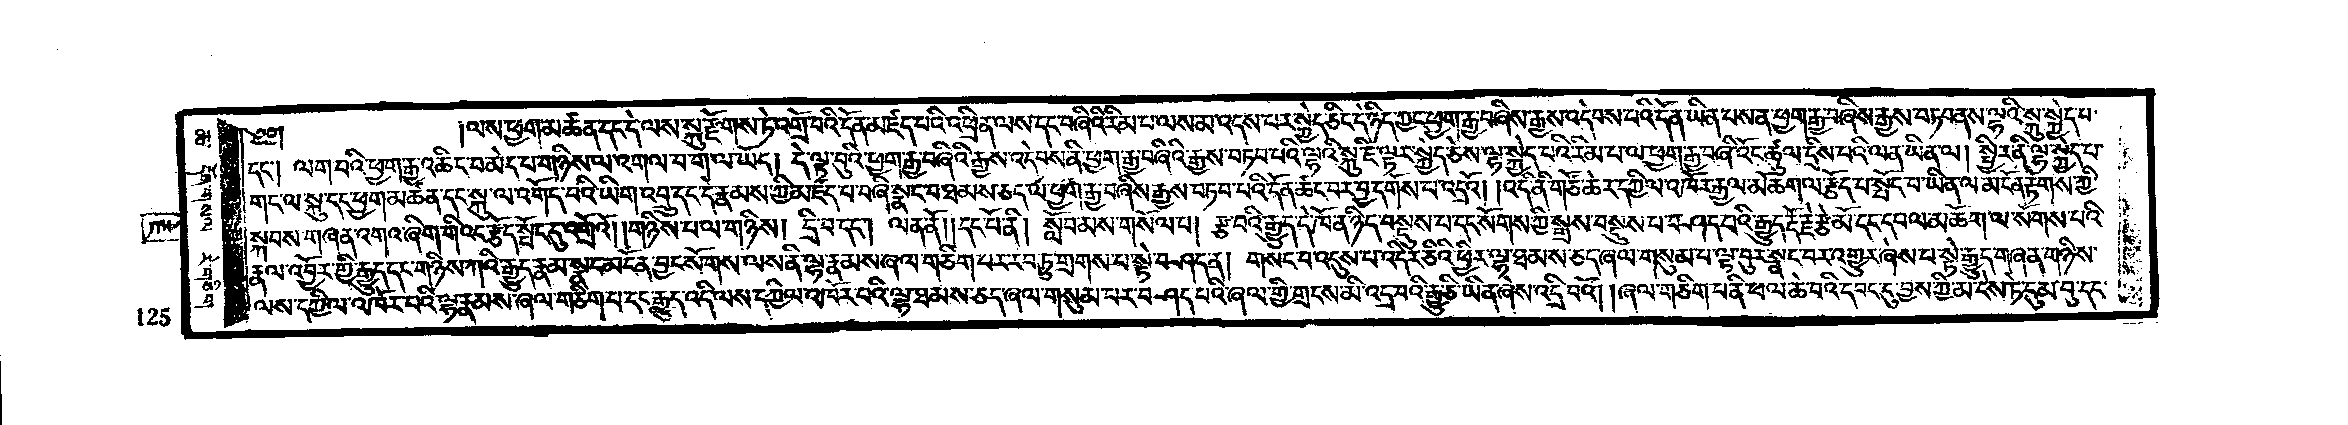༄༅། །ལས་ཕྱག་མཚན་དང་དེ་ལས་སྐུ་རྫོགས་ཏེ་འགྲོ་བའི་དོན་མཛད་པའི་འཕྲིན་ལས་དང་བཞིའི་རིམ་པ་ལས་མ་འདས་པར་སྐྱེད་ཅིང་དེ་ཉིད་ཀྱང་ཕྱག་རྒྱ་བཞིས་རྒྱས་འདེབས་པའི་དོན་ཡིན་པས་ན་ཕྱག་རྒྱ་བཞིས་རྒྱས་བཏབ་ནས་ལྷའི་སྐུ་སྐྱེད་པ་
དང་། ལག་པའི་ཕྱག་རྒྱ་འཆིང་བ་མེད་པ་གཉིས་ལ་འགལ་བ་ག་ལ་ཡོད། དེ་ལྟ་བུའི་ཕྱག་རྒྱ་བཞིའི་རྒྱས་འདེབས་ནི་ཕྱག་རྒྱ་བཞིའི་རྒྱས་བཏབ་པའི་ལྷའི་སྐུ་ཇི་ལྟར་སྐྱེད་ཅེས་ལྷ་སྐྱེད་པའི་རིམ་པ་ལ་ཕྱག་རྒྱ་བཞི་འོང་ཚུལ་དྲིས་པའི་ལན་ཡིན་ལ། སྤྱིར་ནི་ལྷ་སྐྱེད་པ་
གང་ལ་སྐུ་དང་ཕྱག་མཚན་དང་སྐུ་ལ་འགོད་པའི་ཡིག་འབྲུ་དང་དེ་རྣམས་ཀྱི་མཛད་པ་བཞི་སྣང་བ་ཐམས་ཅད་ལ་ཕྱག་རྒྱ་བཞིས་རྒྱས་བཏབ་པའི་དོན་ཚང་བར་བྱ་དགོས་པ་འདྲའོ། །འདི་ནི་གཙོ་ཆེར་དཀྱིལ་འཁོར་རྒྱལ་མཆོག་ལ་རྩོད་པ་སྤོང་བ་ཡིན་ལ་མངོན་རྟོགས་ཀྱི་
སྐབས་གཞན་འགའ་ཞིག་གིའང་རྩོད་སྤོང་དུ་འགྲོའོ། །གཉིས་པ་ལ་གཉིས། དྲི་བ་དང་། ལན་ནོ། །དང་པོ་ནི། སློབ་མས་གསོལ་པ། རྩ་བའི་རྒྱུད་དེ་ཁོ་ན་ཉིད་བསྡུས་པ་དང་སོགས་ཀྱི་སྒྲས་བསྡུས་པ་བཤད་པའི་རྒྱུད་རྡོ་རྗེ་རྩེ་མོ་དང་དཔལ་མཆོག་ལ་སོགས་པའི་
རྣལ་འབྱོར་གྱི་རྒྱུད་དང་གཉིས་ཀའི་རྒྱུད་རྣམ་སྣང་མངོན་བྱང་སོགས་ལས་ནི་ལྷ་རྣམས་ཞལ་གཅིག་པར་རབ་ཏུ་གྲགས་པ་སྟེ་བཤད་ན། གསང་བ་འདུས་པ་འདིར་ཅིའི་ཕྱིར་ལྷ་ཐམས་ཅད་ཞལ་གསུམ་པ་ལྟ་བུར་སྣང་བར་འགྱུར་ཞེས་པ་སྟེ་རྒྱུད་གཞན་གཉིས་
ལས་དཀྱིལ་འཁོར་བའི་ལྷ་རྣམས་ཞལ་གཅིག་པ་དང་རྒྱུད་འདི་ལས་དཀྱིལ་འཁོར་བའི་ལྷ་ཐམས་ཅད་ཞལ་གསུམ་པར་བཤད་པའི་ཞལ་གྱི་གྲངས་མི་འདྲ་བའི་རྒྱུ་ཅི་ཡིན་ཞེས་འདྲི་བའོ། །ཞལ་གཅིག་པ་ནི་ཕལ་ཆེ་བའི་དབང་དུ་བྱས་ཀྱི་མ་ངེས་ཏེ་དུམ་བུ་དང་